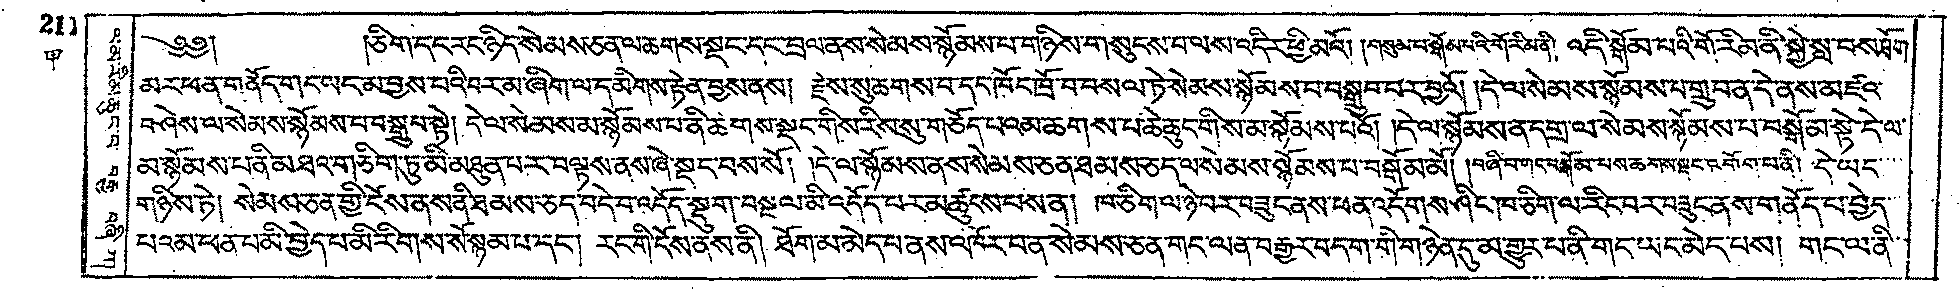༄༅། །ཅིག་དང་རང་ཉིད་སེམས་ཅན་ལ་ཆགས་སྡང་དང་བྲལ་ནས་སེམས་སྙོམས་པ་གཉིས་གསུངས་པ་ལས་འདིར་ཕྱི་མའོ། །གསུམ་པ་སྒོམ་པའི་གོ་རིམ་ནི།  འདི་སྒོམ་པའི་གོ་རིམ་ནི་སྐྱེ་སླ་བས་ཐོག་
མར་ཕན་གནོད་གང་ཡང་མ་བྱས་པའི་བར་མ་ཞིག་ལ་དམིགས་རྟེན་བྱས་ནས། རྗེས་སུ་ཆགས་པ་དང་ཁོང་ཁྲོ་བ་བསལ་ཏེ་སེམས་སྙོམས་པ་བསྒྲུབ་པར་བྱའོ། །དེ་ལ་སེམས་སྙོམས་པ་གྲུབ་ན་དེ་ནས་མཛའ་
བཤེས་ལ་སེམས་སྙོམས་པ་བསྒྲུབ་སྟེ། དེ་ལ་སེམས་མ་སྙོམས་པ་ནི་ཆགས་སྡང་གིས་རིས་སུ་གཅོད་པའམ་ཆགས་པ་ཆེ་ཆུང་གིས་མ་སྙོམས་པའོ། །དེ་ལ་སྙོམས་ན་དགྲ་ལ་སེམས་སྙོམས་པ་བསྒོམ་སྟེ་དེ་ལ་
མ་སྙོམས་པ་ནི་མཐའ་གཅིག་ཏུ་མི་མཐུན་པར་བལྟས་ནས་ཞེ་སྡང་བས་སོ། །དེ་ལ་སྙོམས་ནས་སེམས་ཅན་ཐམས་ཅད་ལ་སེམས་སྙོམས་པ་བསྒོམ་མོ། །བཞི་པ་གང་བསྒོམ་པས་ཆགས་སྡང་འགོག་པ་ནི།  དེ་ཡང་
གཉིས་ཏེ། སེམས་ཅན་གྱི་ངོས་ནས་ནི་ཐམས་ཅད་བདེ་བ་འདོད་སྡུག་བསྔལ་མི་འདོད་པར་མཚུངས་པས་ན། ཁ་ཅིག་ལ་ཉེ་བར་བཟུང་ནས་ཕན་འདོགས་ཤིང་ཁ་ཅིག་ལ་རིང་བར་བཟུང་ནས་གནོད་པ་བྱེད་
པའམ་ཕན་པ་མི་བྱེད་པ་མི་རིགས་སོ་སྙམ་པ་དང་། རང་གི་ངོས་ནས་ནི། ཐོག་མ་མེད་པ་ནས་འཁོར་བ་ན་སེམས་ཅན་གང་ལན་བརྒྱར་བདག་གི་གཉེན་དུ་མ་གྱུར་པ་ནི་གང་ཡང་མེད་པས། གང་ལ་ནི་